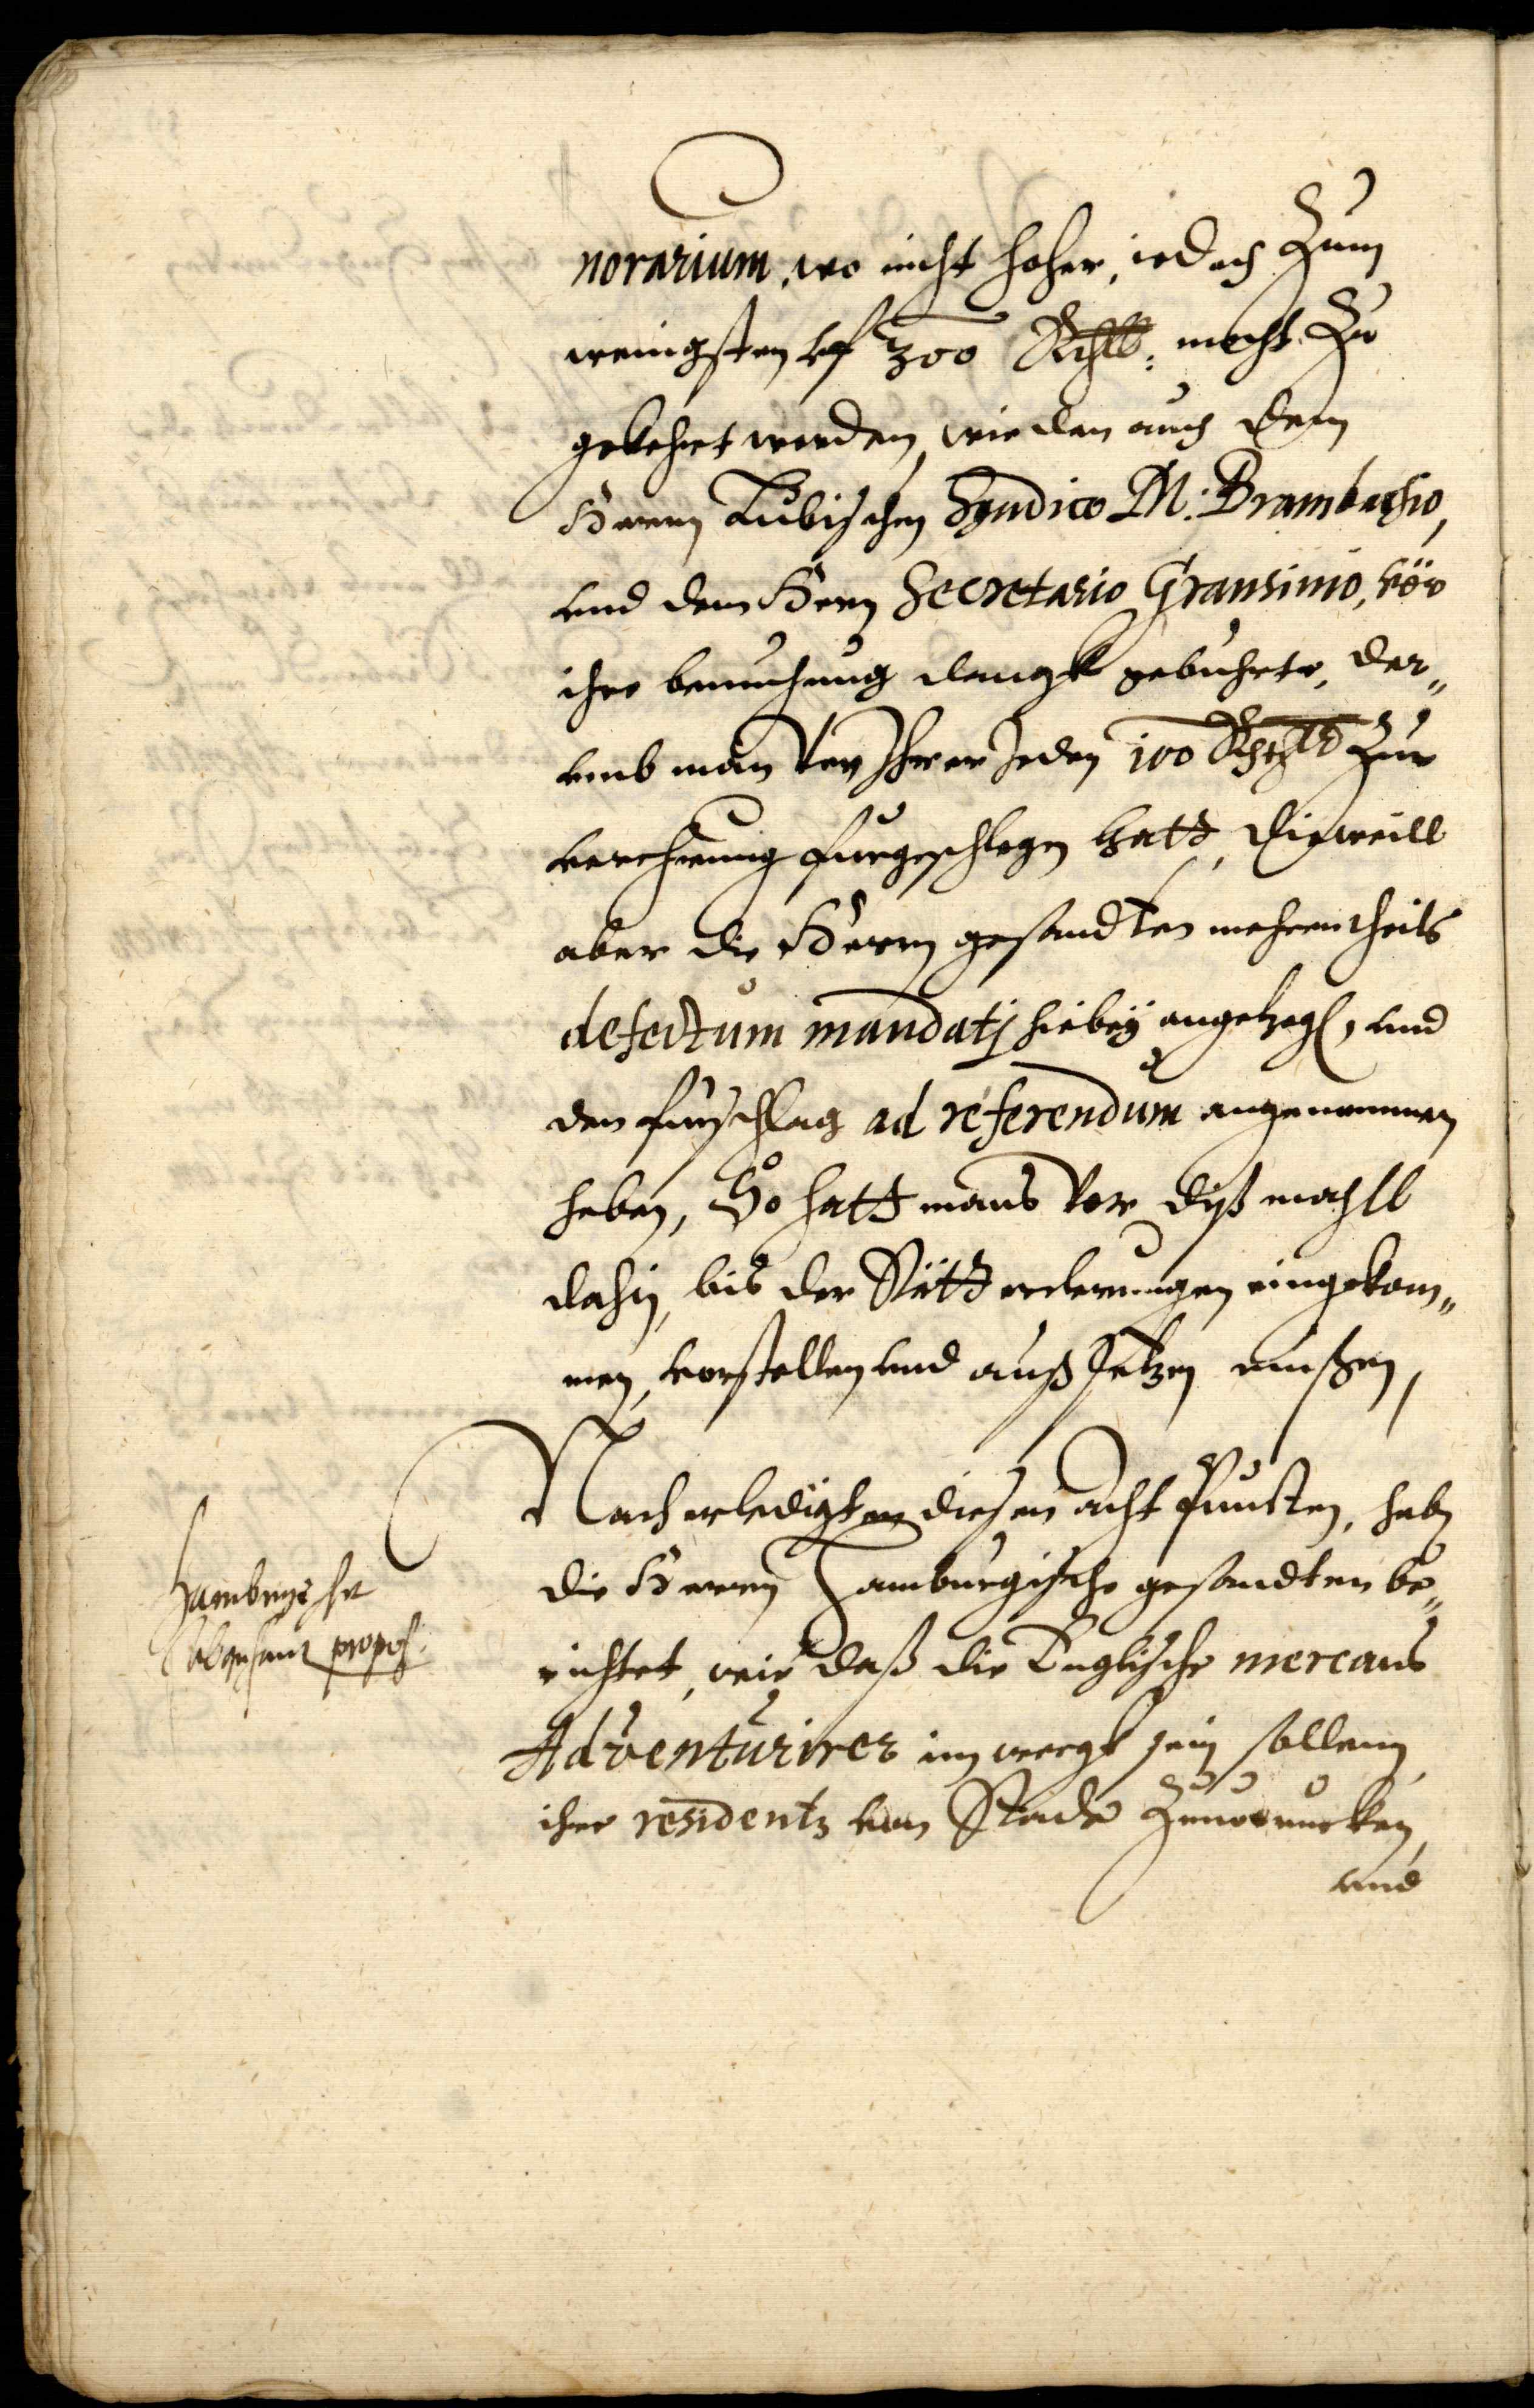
norarium, wo nicht hoher, iedoch zum
wenigsten vf 300 Rthll: mocht zu
gekehrt werden, wie dan auch dem
Herrn Lubischen Syndico M. Brambachio,
vnd dem Hern Secretario Gransinio, vör
ihre bemuhung dangk gebuhrte, dar¬
vmb man Von Ihrer jeden 100 Rhthhlr zur
verehrung furgeschlagen hatt, dieweill
aber die Herrn gesandten mehrentheils
defectum mandatj hiebeij angetzogen, vnd
den furschlag ad referendum angenommen
heben, So hatt mans Vor diß mahll
dahin, bis der Stätt erclerungen eingekom¬
men, vorstellen vnd außsetzen mußen,
Hamburgische
Abgesanten propos.
Nach erledigten diesen Acht Puncten, haben
die Herrn Hamburgische gesandten be¬
richtet, wie daß die Englische mercans
Adventurirer im wergk sein sollenn,
ihre residentz von Stade zuuorrucken,
vnd
